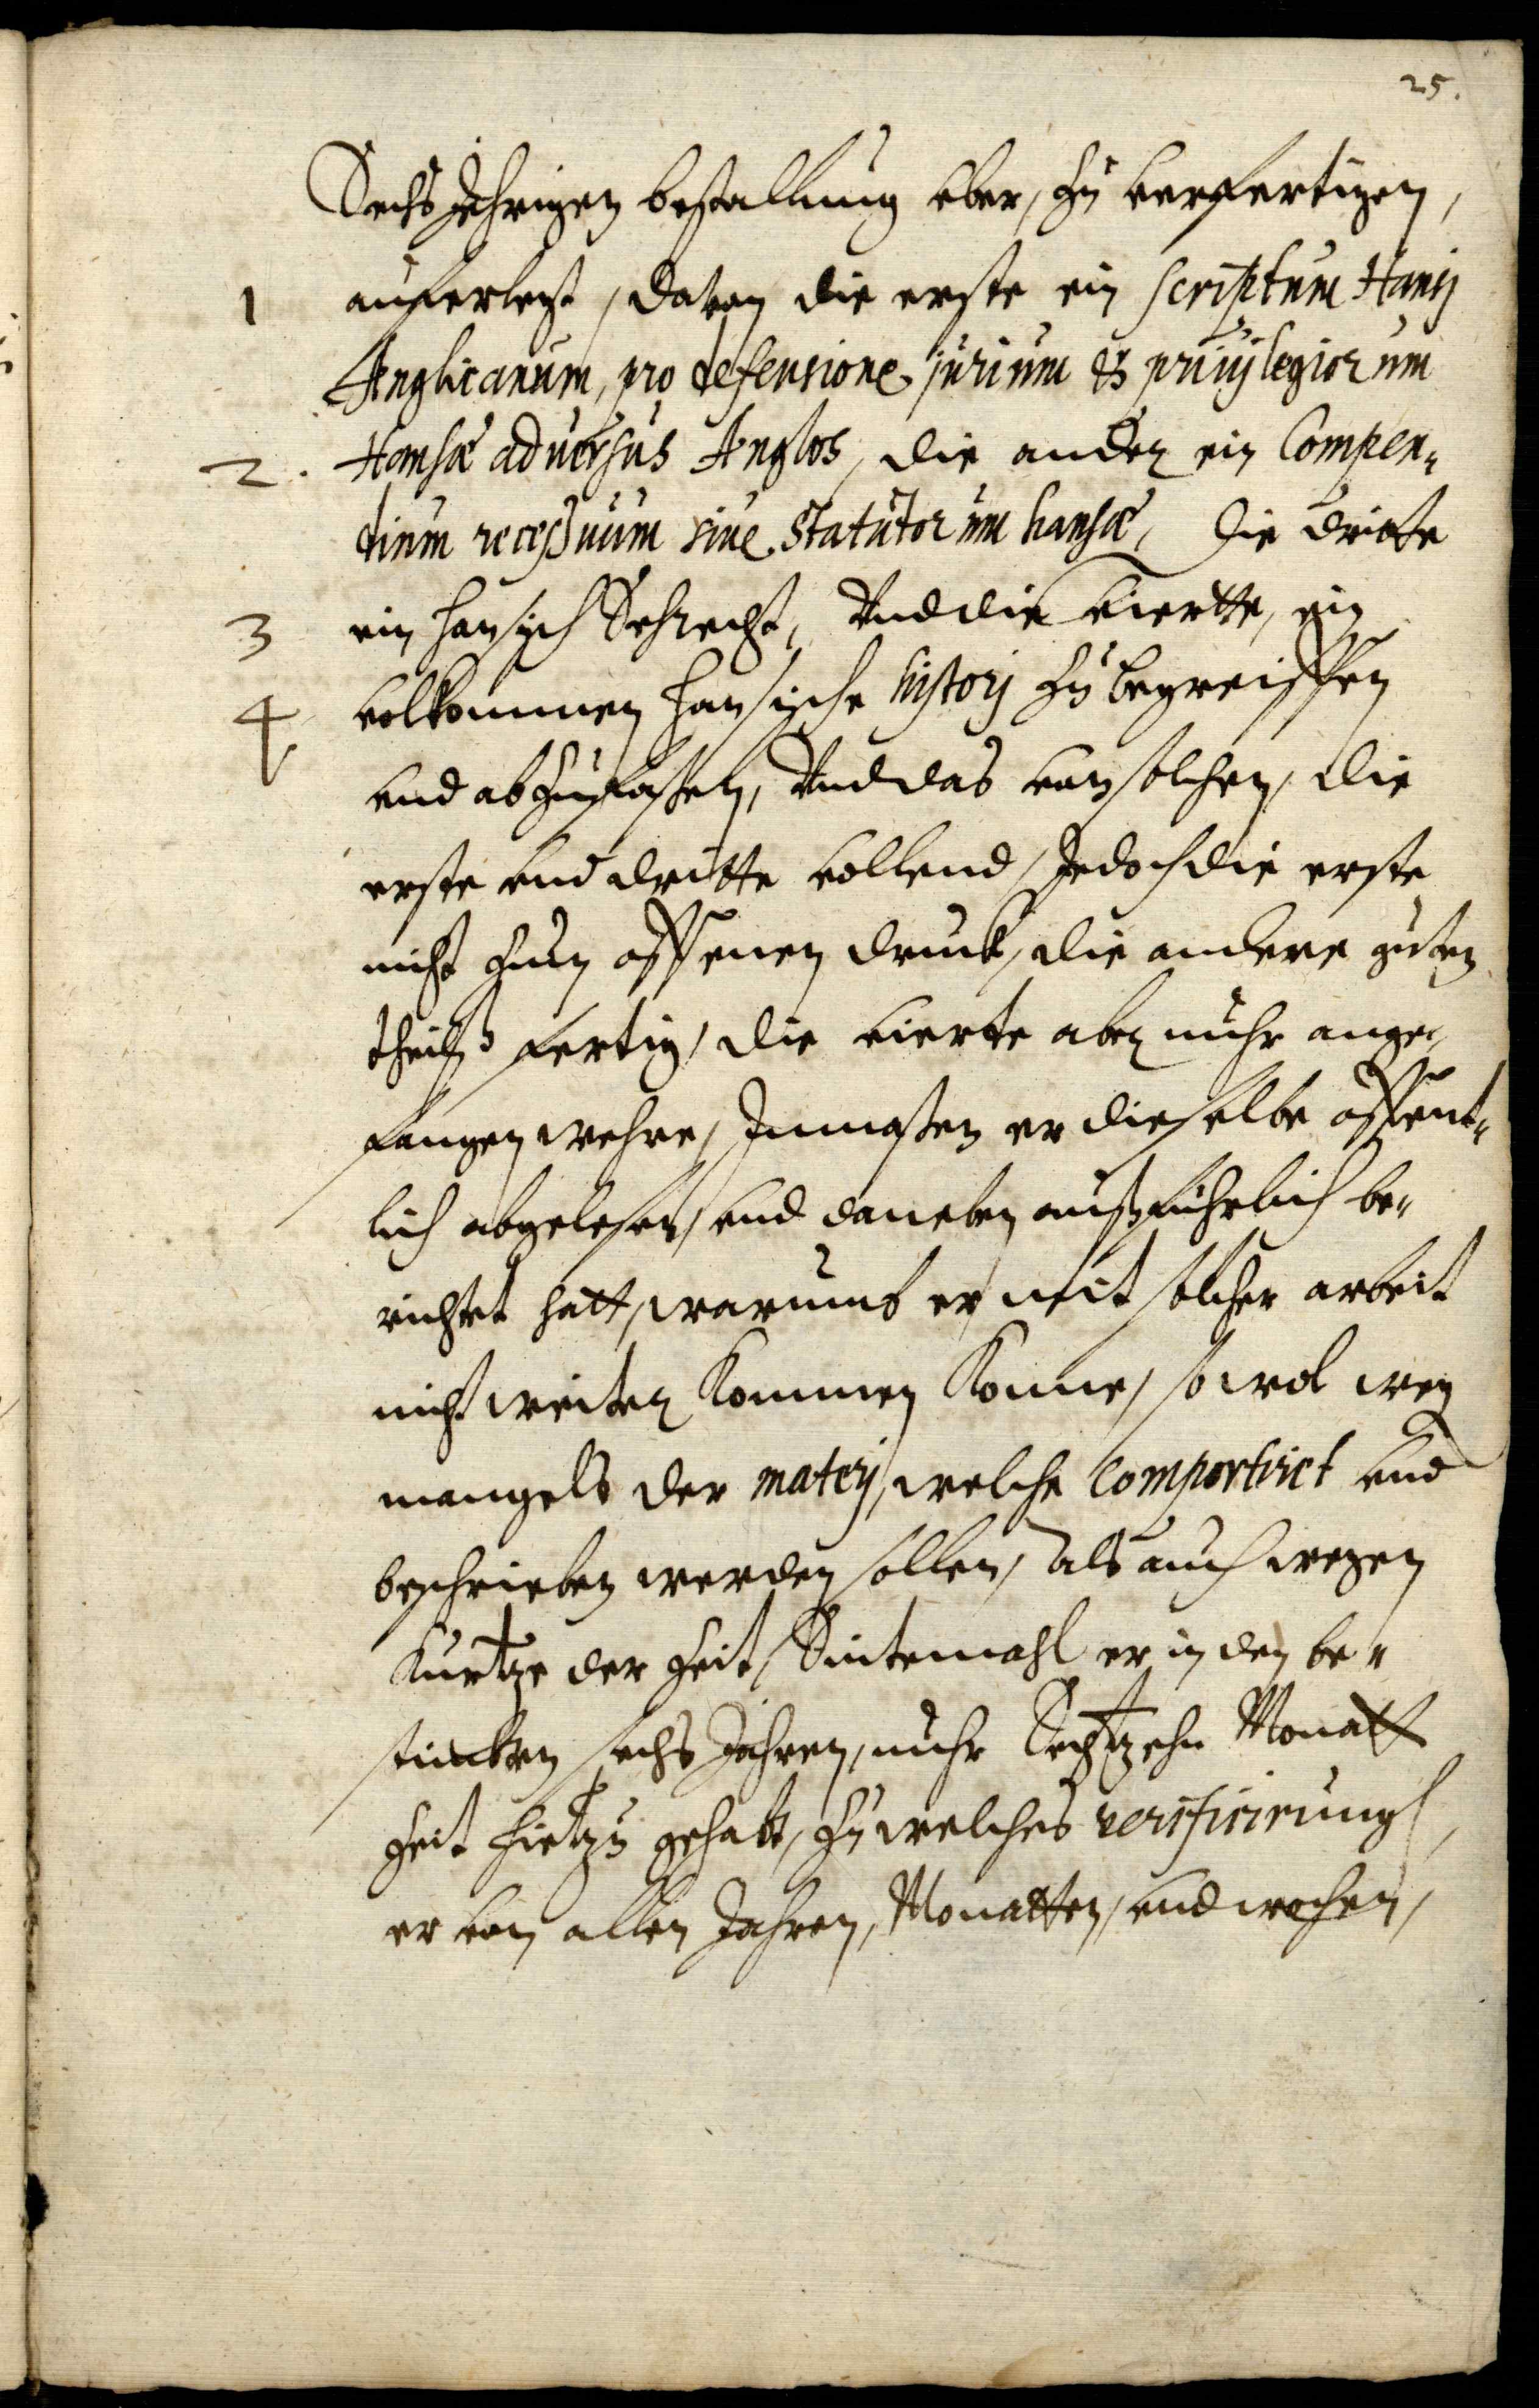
25.
Sechs Jehrigen bestallung vber, zu verfertigen,
auferlegt, davon die erste ein scriptum Hansj
Anglicanum, pro defensione jurium & priujlegiorum
Hansae aduersus Anglos, die ander ein Compen¬
dium recessuum sine statutorum hansae, Die dritte
ein hansisch Sehrecht, Vnd die viertte, ein
volkommen hansische historj zu begreiffen
vnd abzufaßen, Vnd das von solchen, die
erste vnd dritte vollend, jedoch die erste
nicht zum offenen druck, die andere guten
theilß fertig, die vierte aber nuhr ange¬
fangen wehre, Inmaßen er dieselbe offent¬
lich abgelesen, vnd daneben außfuhrlich be¬
richtet hatt, warumb er mit solcher arbeit
nicht weiter kommen konne, so wol wegen
mangels der materj, welche comportiret vnd
beschrieben werden sollen, Als auch wegen
kurtze der Zeit, Sintemahl er in den be¬
stimbten sechs Jahren, nuhr Sechtzehn Monatt
Zeit hietzu gehabt, zu welches verificirungh,
er von allen Jahren, Monatten vnd wochen,
1
2.
3
4.
